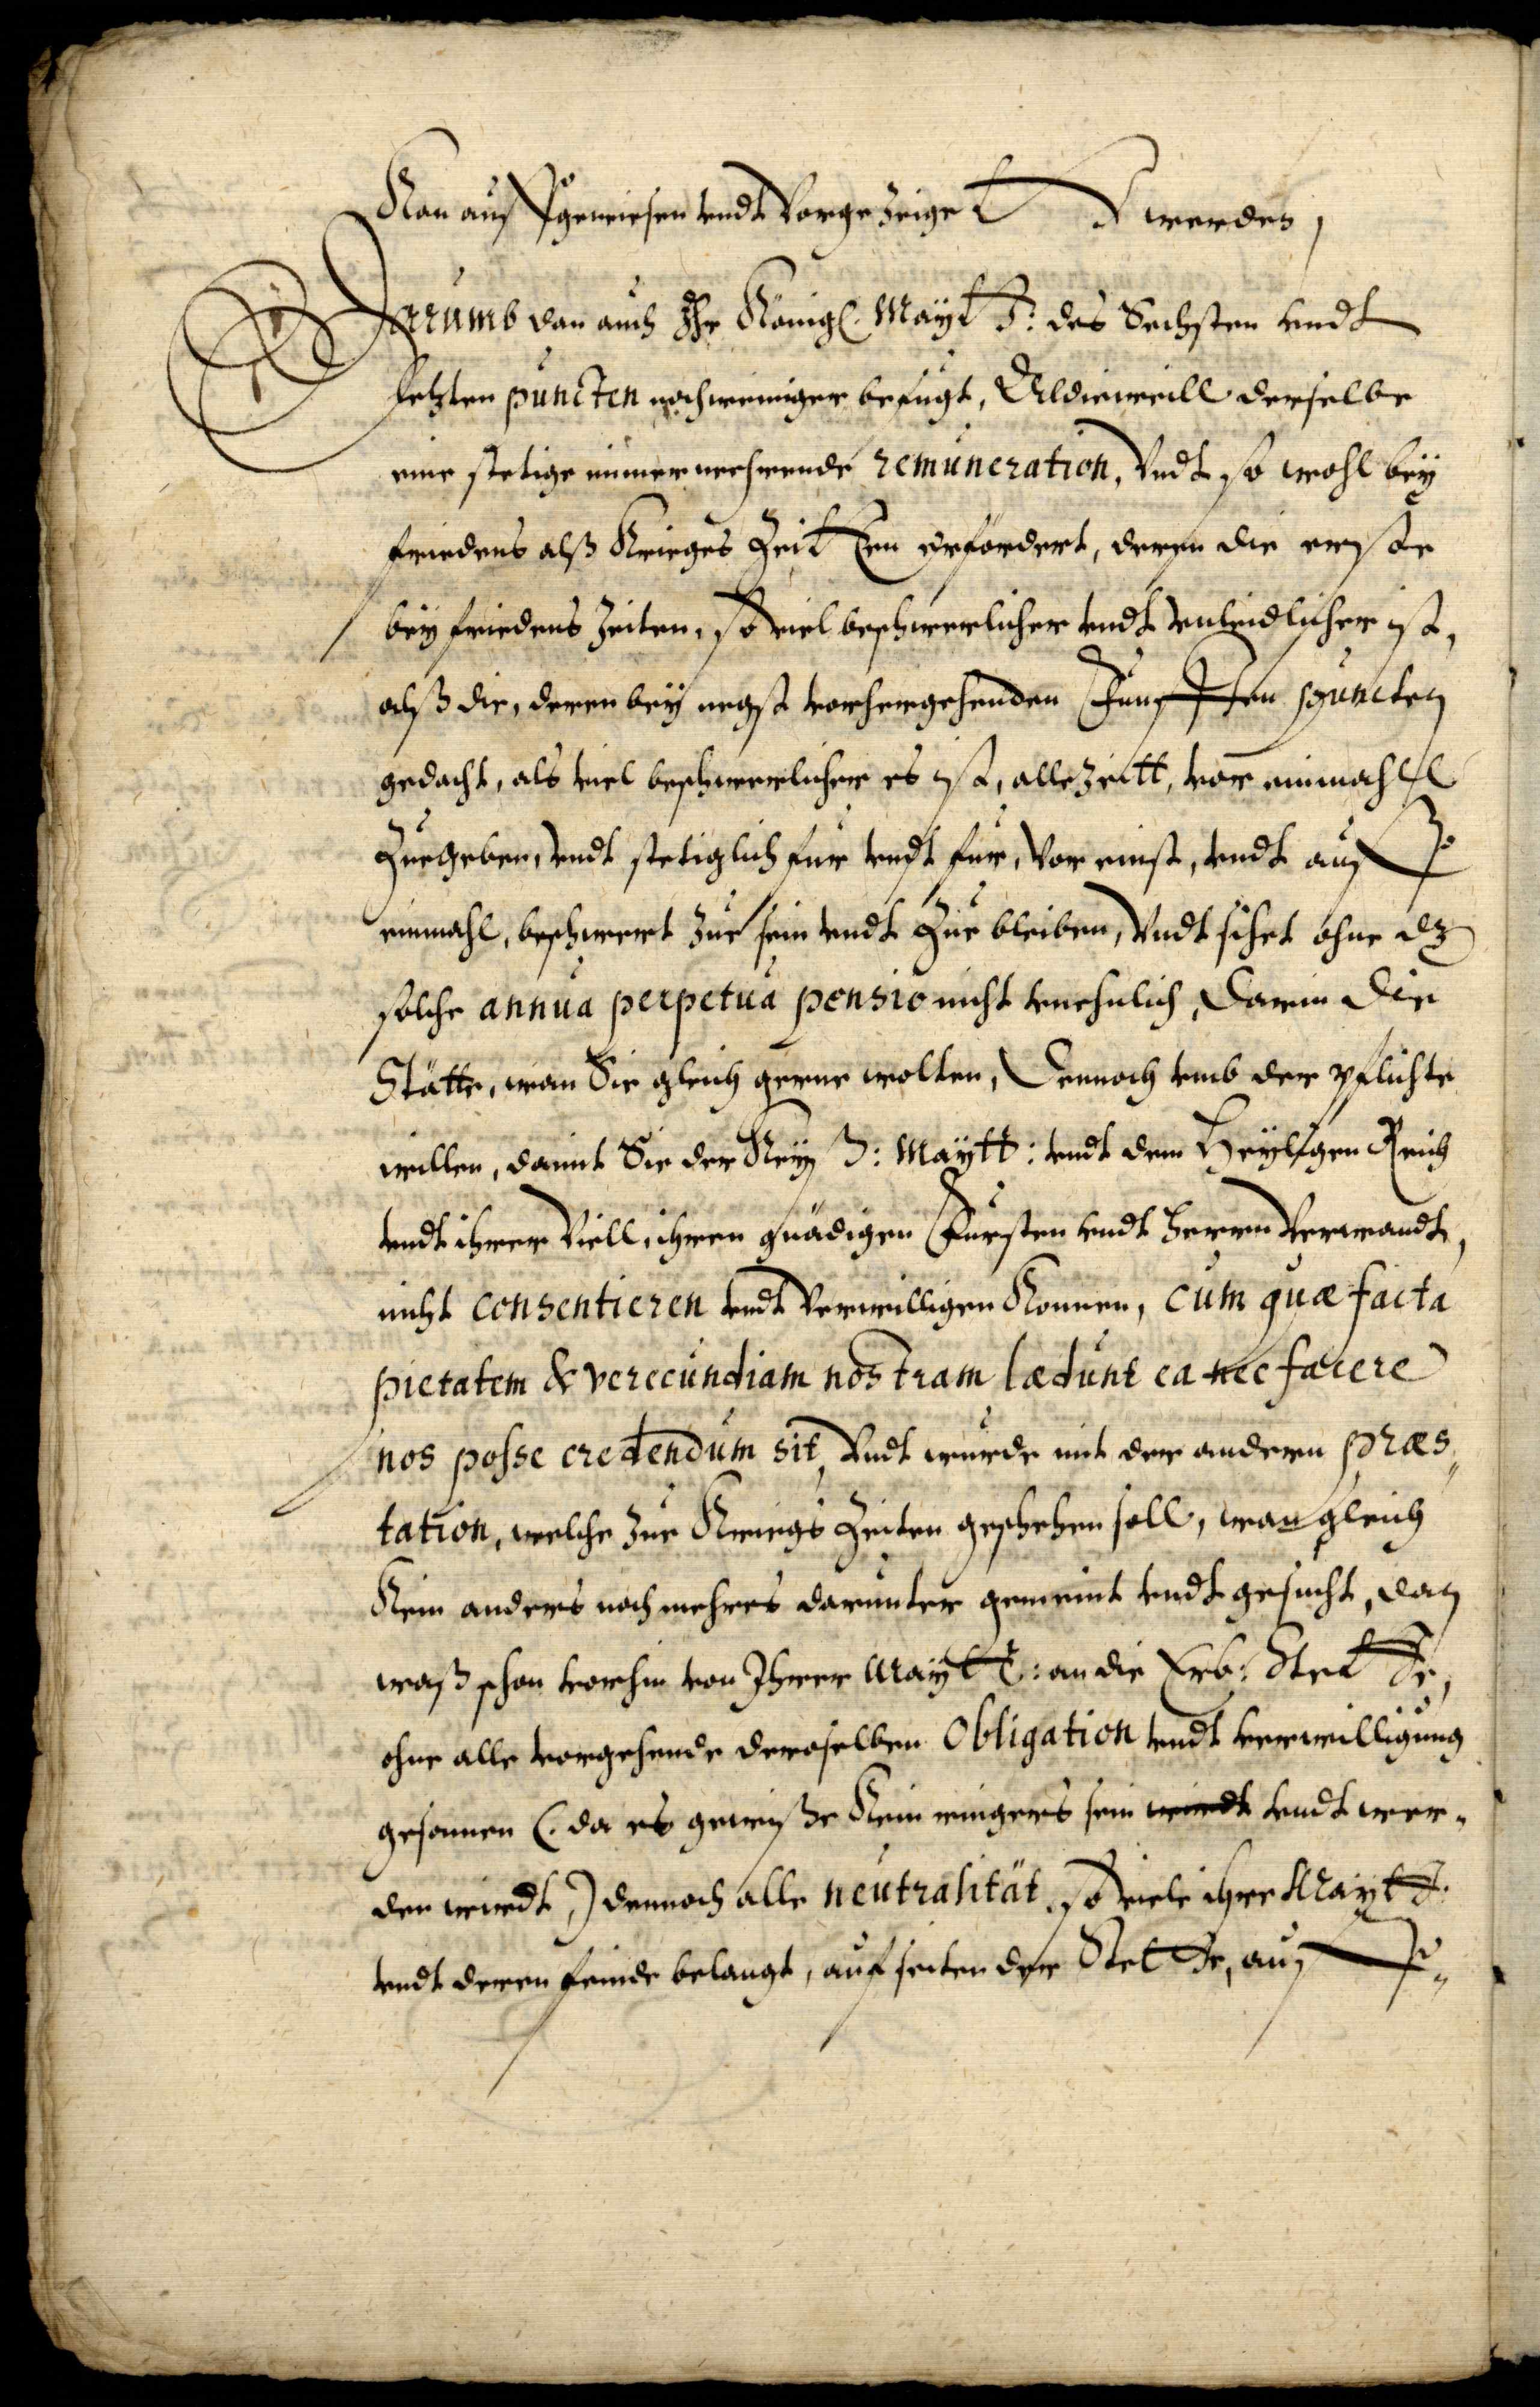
Kan auffgewiesen vndt Vorgezeigett werden,
Darumb dan auch Ihr Königl. Maijtt: des Sechsten vndt
letzten puncten noch weiniger befugt, Aldieweill derselbe
eine stetige immer wehrende remuneration, Vndt so wohl beij
friedens alß Krieges Zeitten erfördert, deren die erste
beij friedens zeiten, so viel beschwerlicher vndt vnleidlicher ist,
alß die, deren beij negst vorhergehenden Funfften puncten
gedacht, als viel beschwerlicher es ist, allezeitt, vor einmahll
zuegeben, vndt stetiglich fur vndt fur, Vor einst, vndt auff
einmahl, beschwert zue sein vndt zue bleiben, Vndt sihet ohne das
solche annua perpetua pensio nicht vnehnlich, darin die
Stätte, wan Sie gleich gerne wolten, dennoch vmb der pflichte
willen, damit Sie der Keijß: Maijtt: vndt dem Heijligen Reich
vndt ihrer Viell, ihren gnädigen Fursten vndt herrn Verwandten,
nicht consentieren vndt Verwilligen Konnen, cum quae facta
pietatem & verecundiam nostram laedunt ea nec facere
nos posse credendum sit Vndt wurde mit der andern praes¬
tation, welche zue Kriegs Zeiten geschehen soll, wan gleich
Kein anders noch mehres darunter gemeint vndt gesucht, dan
waß schon vorhin von Ihrer Maijtt: an die Erb: Stette,
ohne alle vorgehende deroselben Obligation vndt verwilligung
gesonnen (. da es gewiße Kein ringers sein wirdt vndt wer¬
den wirdt ,) dennoch alle neutralität, so viele ihre Maijtt:
vndt deren feinde belangt, auf seiten der Stette, auff¬
